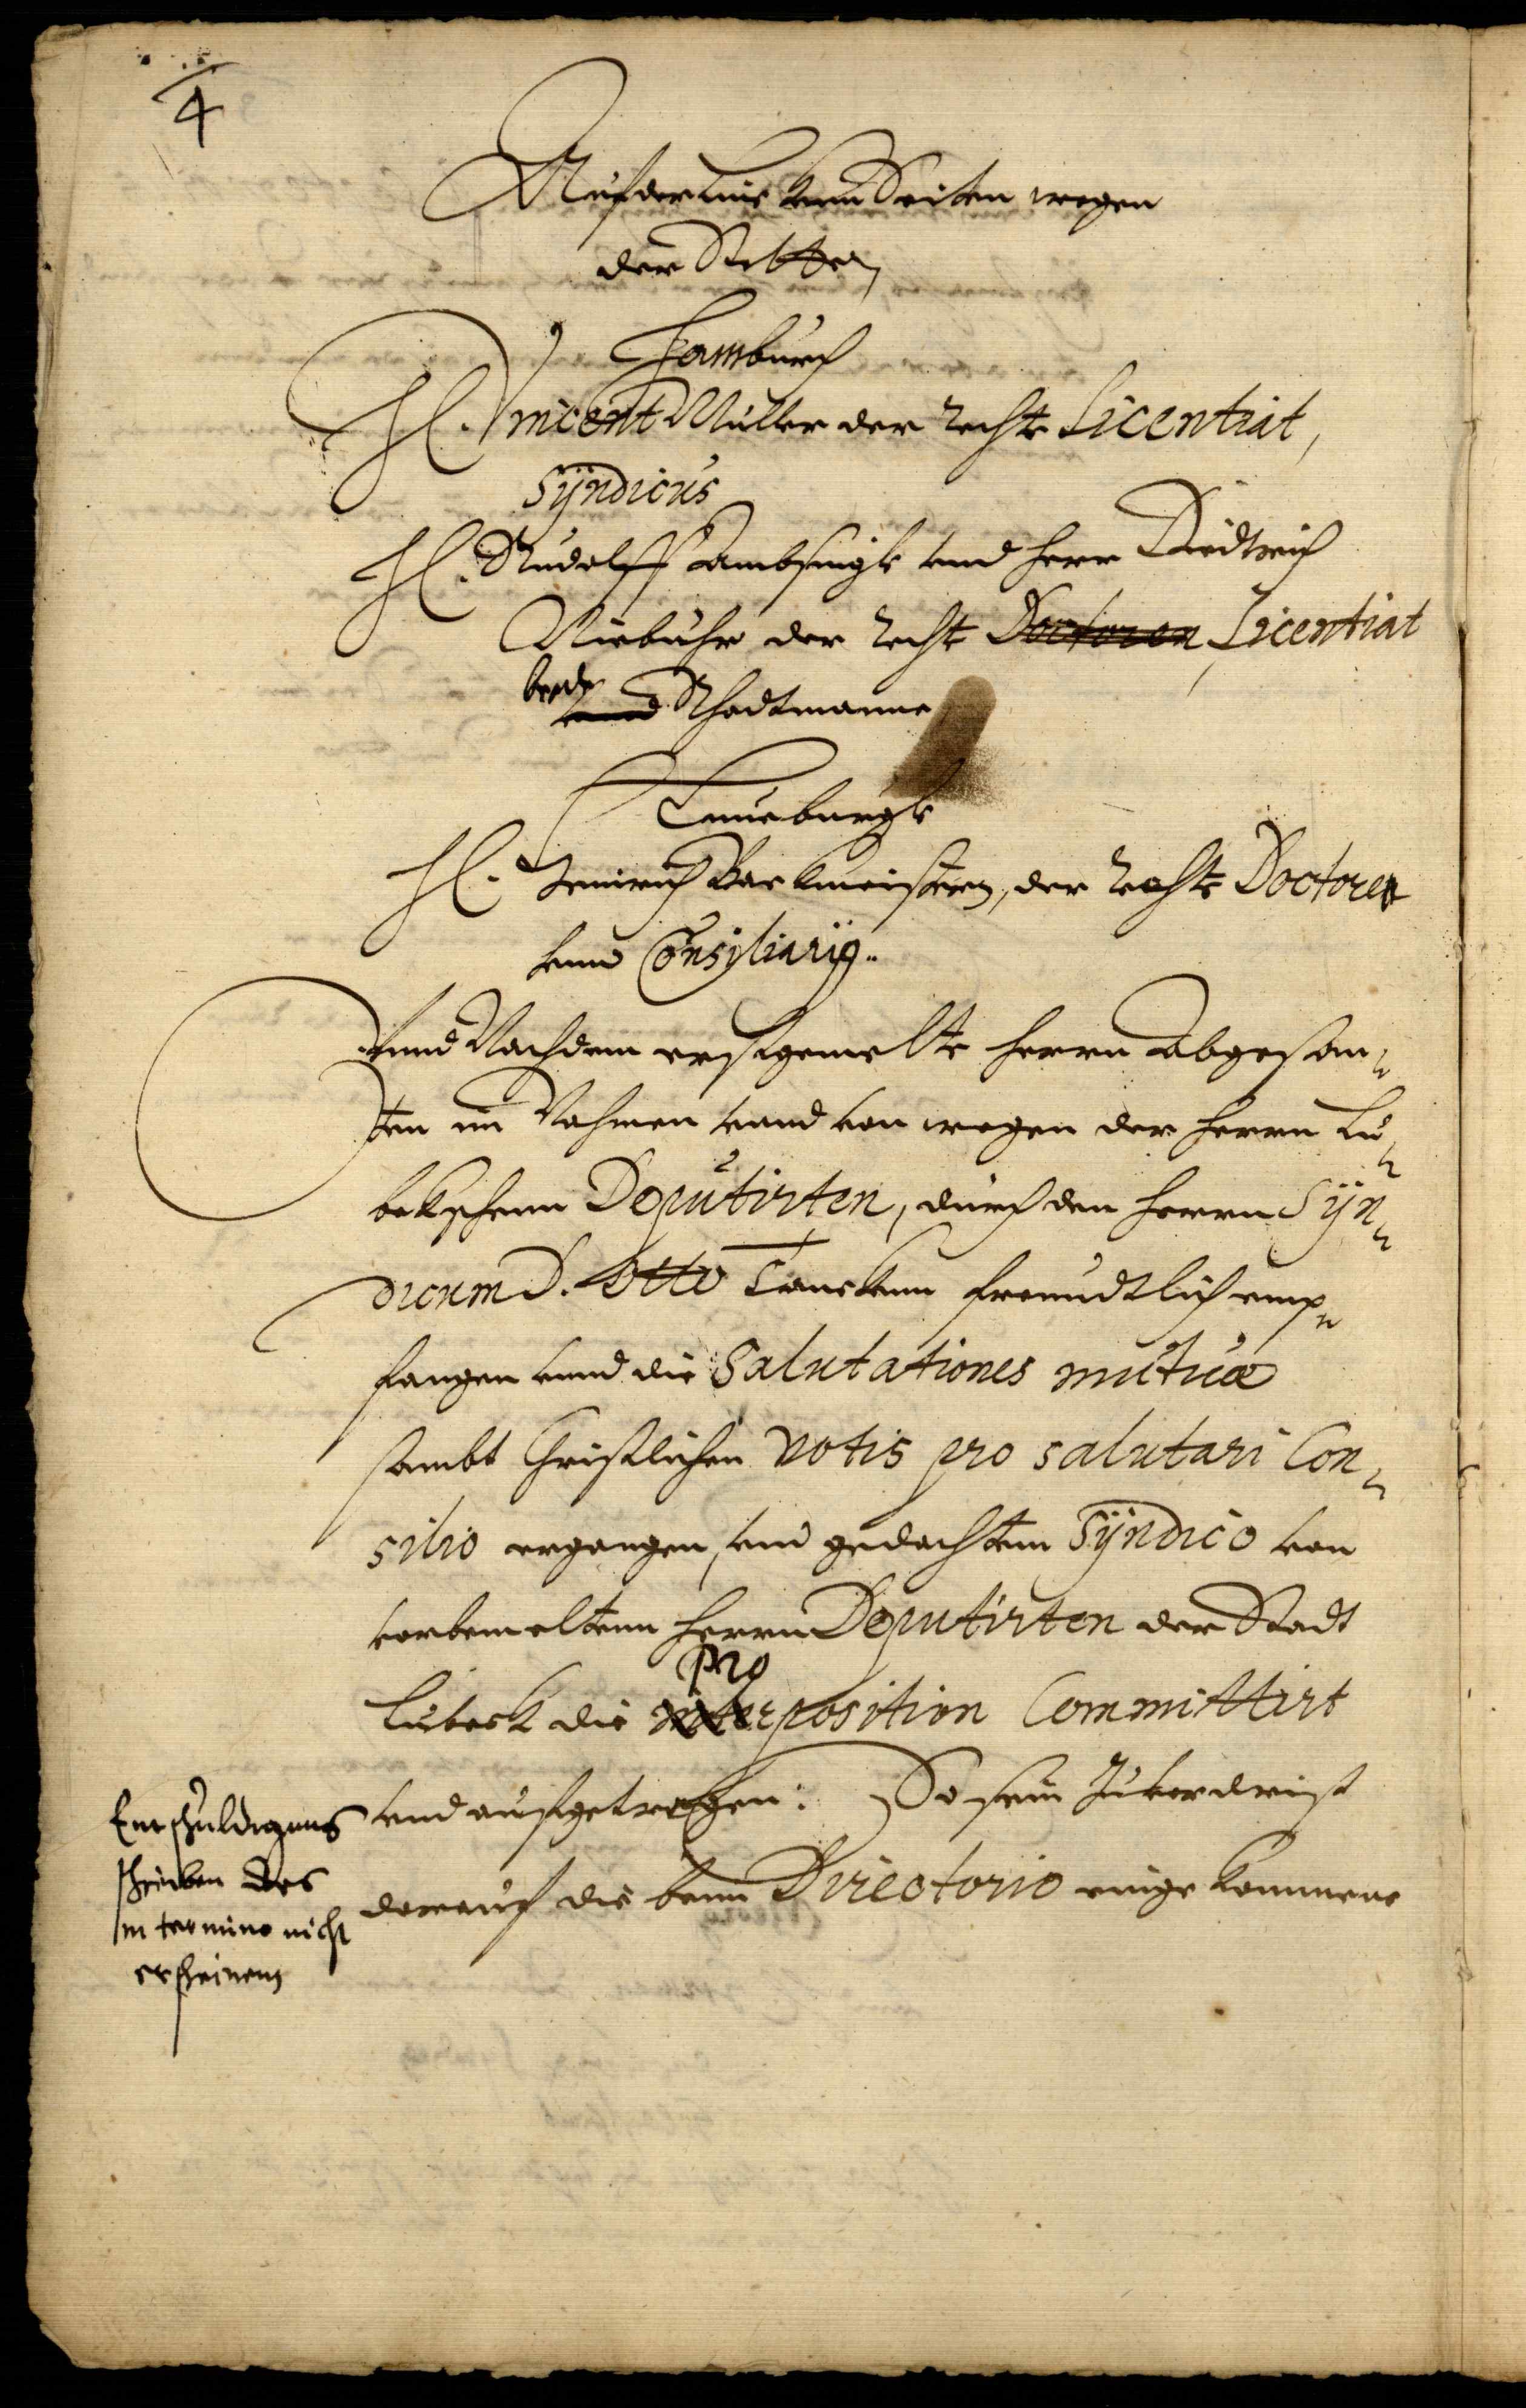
4
Auf der Linckenn Seiten wegen
der Stetten
Hamburch
H. Vincent Muller der rechte Licentiat,
Sijndicus
H. Rudolff Ambsingk vnd herr Diedtrich
Niebuhr der Rechte Doctoren, Licentiat
beede
unnd Rhadtmannne
Luneburgk
H. Heinrich Backmeistern, der Rechte Doctoren
vnnd Consiliarius
Vnnd Nachdem erstgemelte herrn Abgesan¬
ten im Nahmen vnnd von wegen der herrn Lu¬
bekschenn Deputirten, durch den herrn Syn¬
dicum D. Otto Tanckenn freundtlich emp¬
fangen vnnd die Salutationes mutuae
sambt Christlichen votis pro salutari Con¬
silio ergangen, vnd gedachtem Sijndico von
vorbemeltenn herrn Deputirten der Stadt
Lubeck die interproposition Committirt
vnd aufgetragen: So sein zuvordrist
darauf die beim Directorio eingekommene
Entschuldigens
schreiben des
in termino nicht
erscheinens
